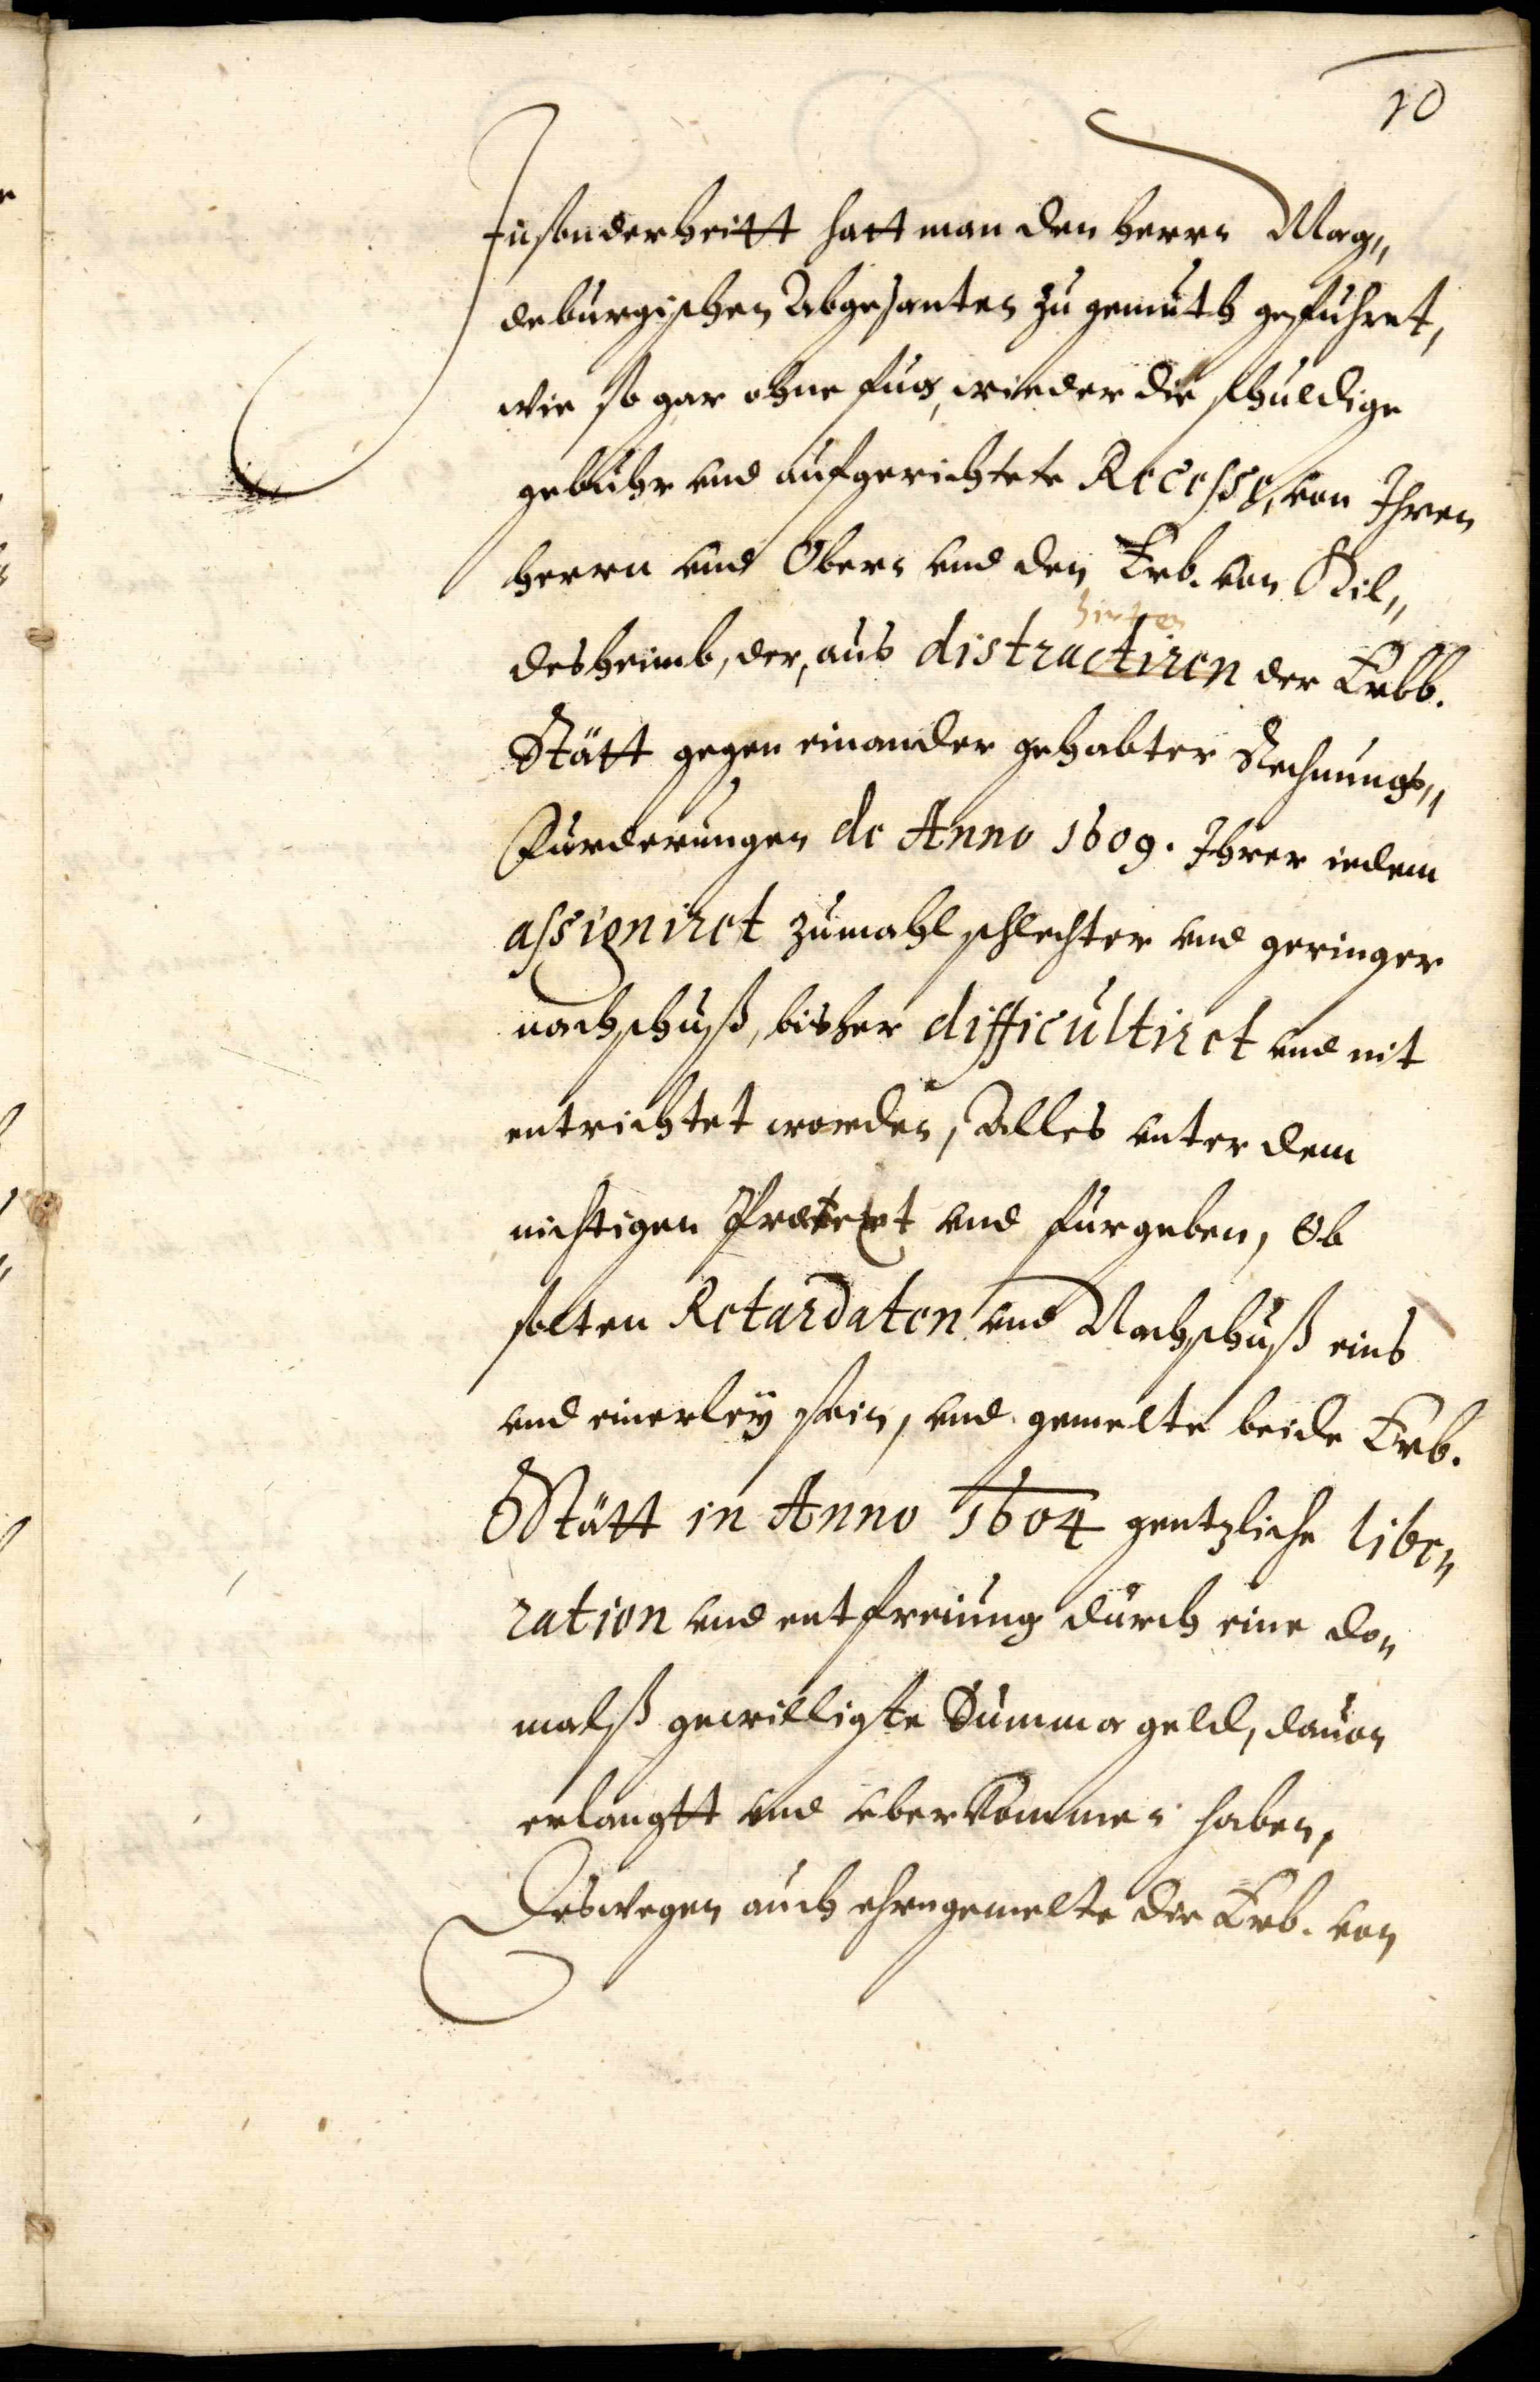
10
Insonderheitt hatt man den herrn Mag¬
deburgischen Abgesanten zu gemuth gefuhret,
wie so gar ohne fug, wieder die schuldige
gebuhr vnd aufgerichtete Recesse, von Ihren
herrn vnd Obern vnd den Erb. von Hil¬
desheimb, der, aus distractiren der Erbb.
Stätt gegen einander gehabter Rechnungs¬
Furderungen de Anno 1609. Ihrer iedem
assigniret zumahl schlechter vnd geringer
nachschuß, bisher difficultiret vnd mit
entrichtet worden, Alles vnter dem
nichtigen Praetext vnd furgeben, Ob
solten Retardaten vnd Nachschuß eins
vnd einerleij sein, vnd gemelte beide Erb.
Stätt in Anno 1604 gentzliche libe¬
ration vnd entfreiung durch eine do¬
malß gewilligte Summa geld, dauon
erlangtt vnd vberkommen haben,
Deswegen auch ehrngemelte die Erb. von
